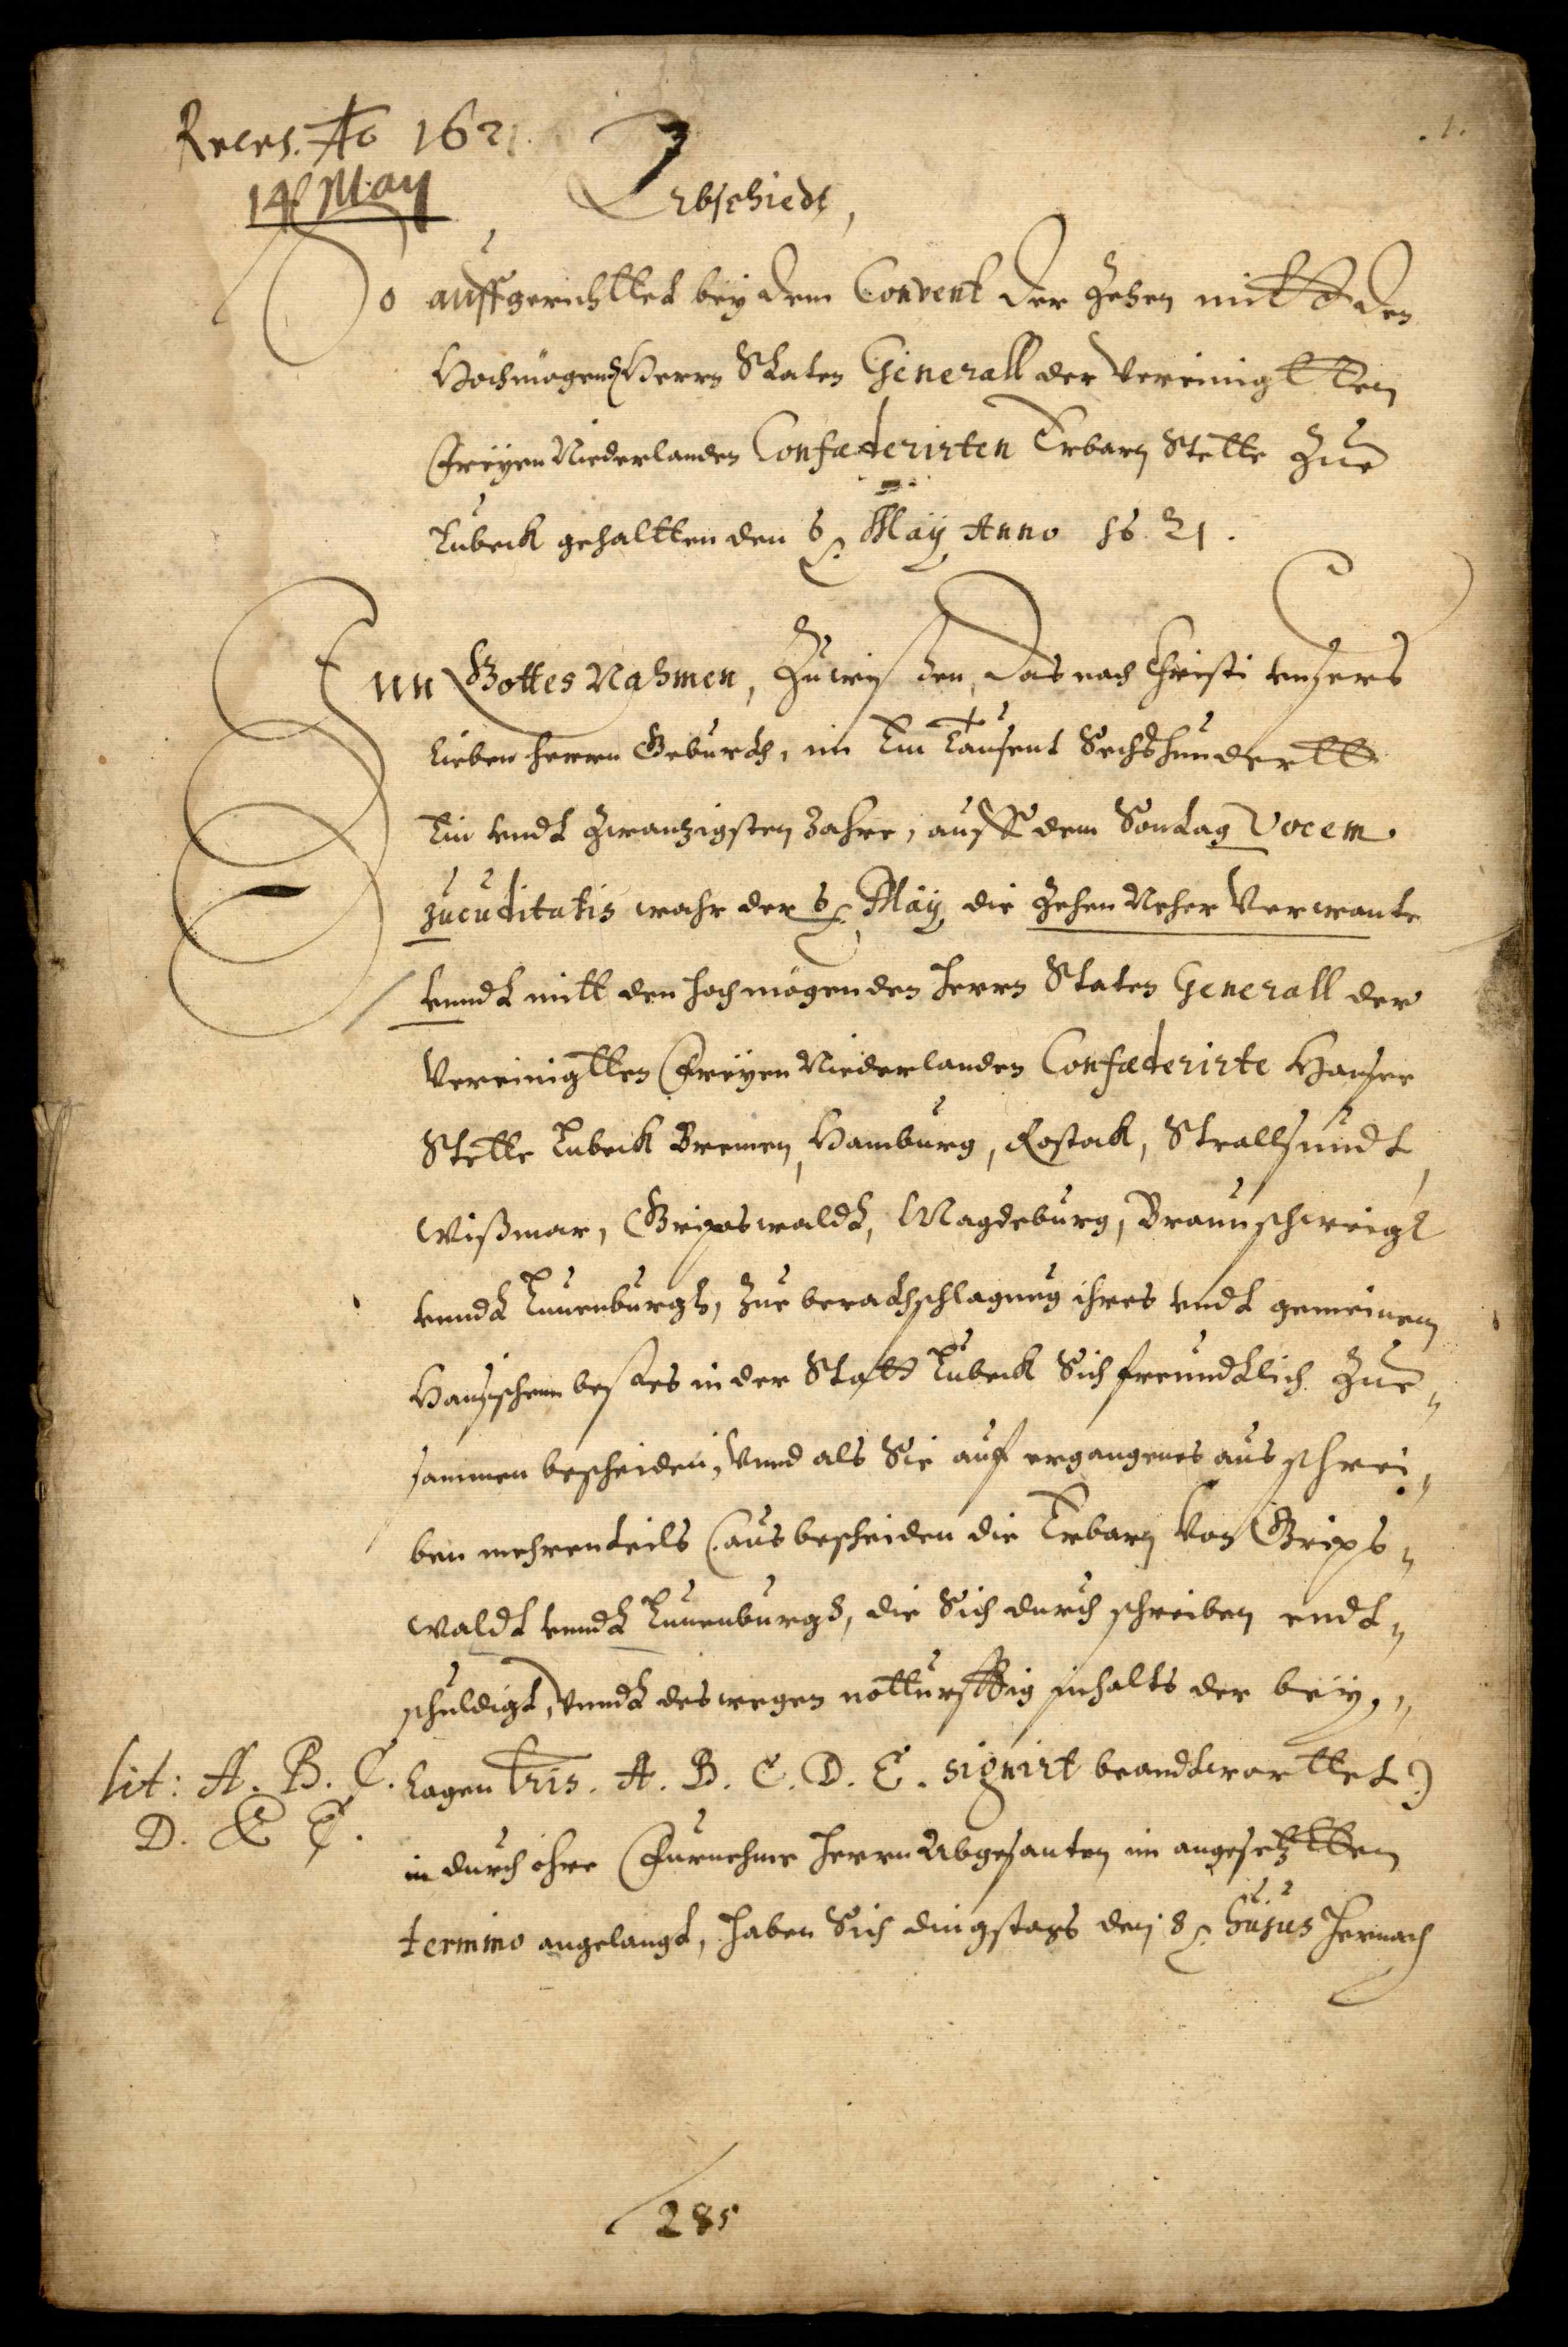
Reces Aō 1621
14 May
Abschiedt,
So auffgerichtted beij dem Convent der Zehen mitt den
Hochmögenden Herrn Staten Generall der Vereinigtten
Freijen Niederlanden Confoederirten Erbaren Stette zue
Lubeck gehaltten den 6. Maij Anno 1621.
Lit: A. B. C.
C. & E.
Inn Gottes Nahmen, Zuwißen, das nach Christi vnsers
lieben herrn Geburdh, im Ein Tausent Sechshundertt
Ein vndt Zwanzigsten Iahre, auff dem Sontag Vocem
Iucuditatis wahr der 6. Maij, die Zehen Neher Verwante
vnndt mitt den hochmögenden herrn Staten Generall der
Vereinigtten Freijen Niederlanden Confoederirte Hansee
Stette Lubeck, Bremen, Hamburg, Rostock, Strallsundt,
Wißmar, Gripswaldt, Magdeburg, Braunschweigh
vnndt Lunenburgh, zue beradschlagung ihres vndt gemeinem
hansischenn bestes in der Statt Lubeck Sich freundtlich zue¬
sammen bescheiden, vnnd als Sie auf ergangenes ausschrei¬
ben mehrenteils (. aus bescheiden die Erbaren Von Grips¬
Waldt vnndt Lunenburgh, die Sich durch schreiben endt¬
schuldigt, vnndt des wegen notturfttig inhalts der beij¬
lagen lris. A. B. C. D. E. signirt beandtworttet .)
in durch ohre Furnehme herrn Abgesanten im angesetztten
termino angelangt, haben sich dingstags den 8n hujus hernach
